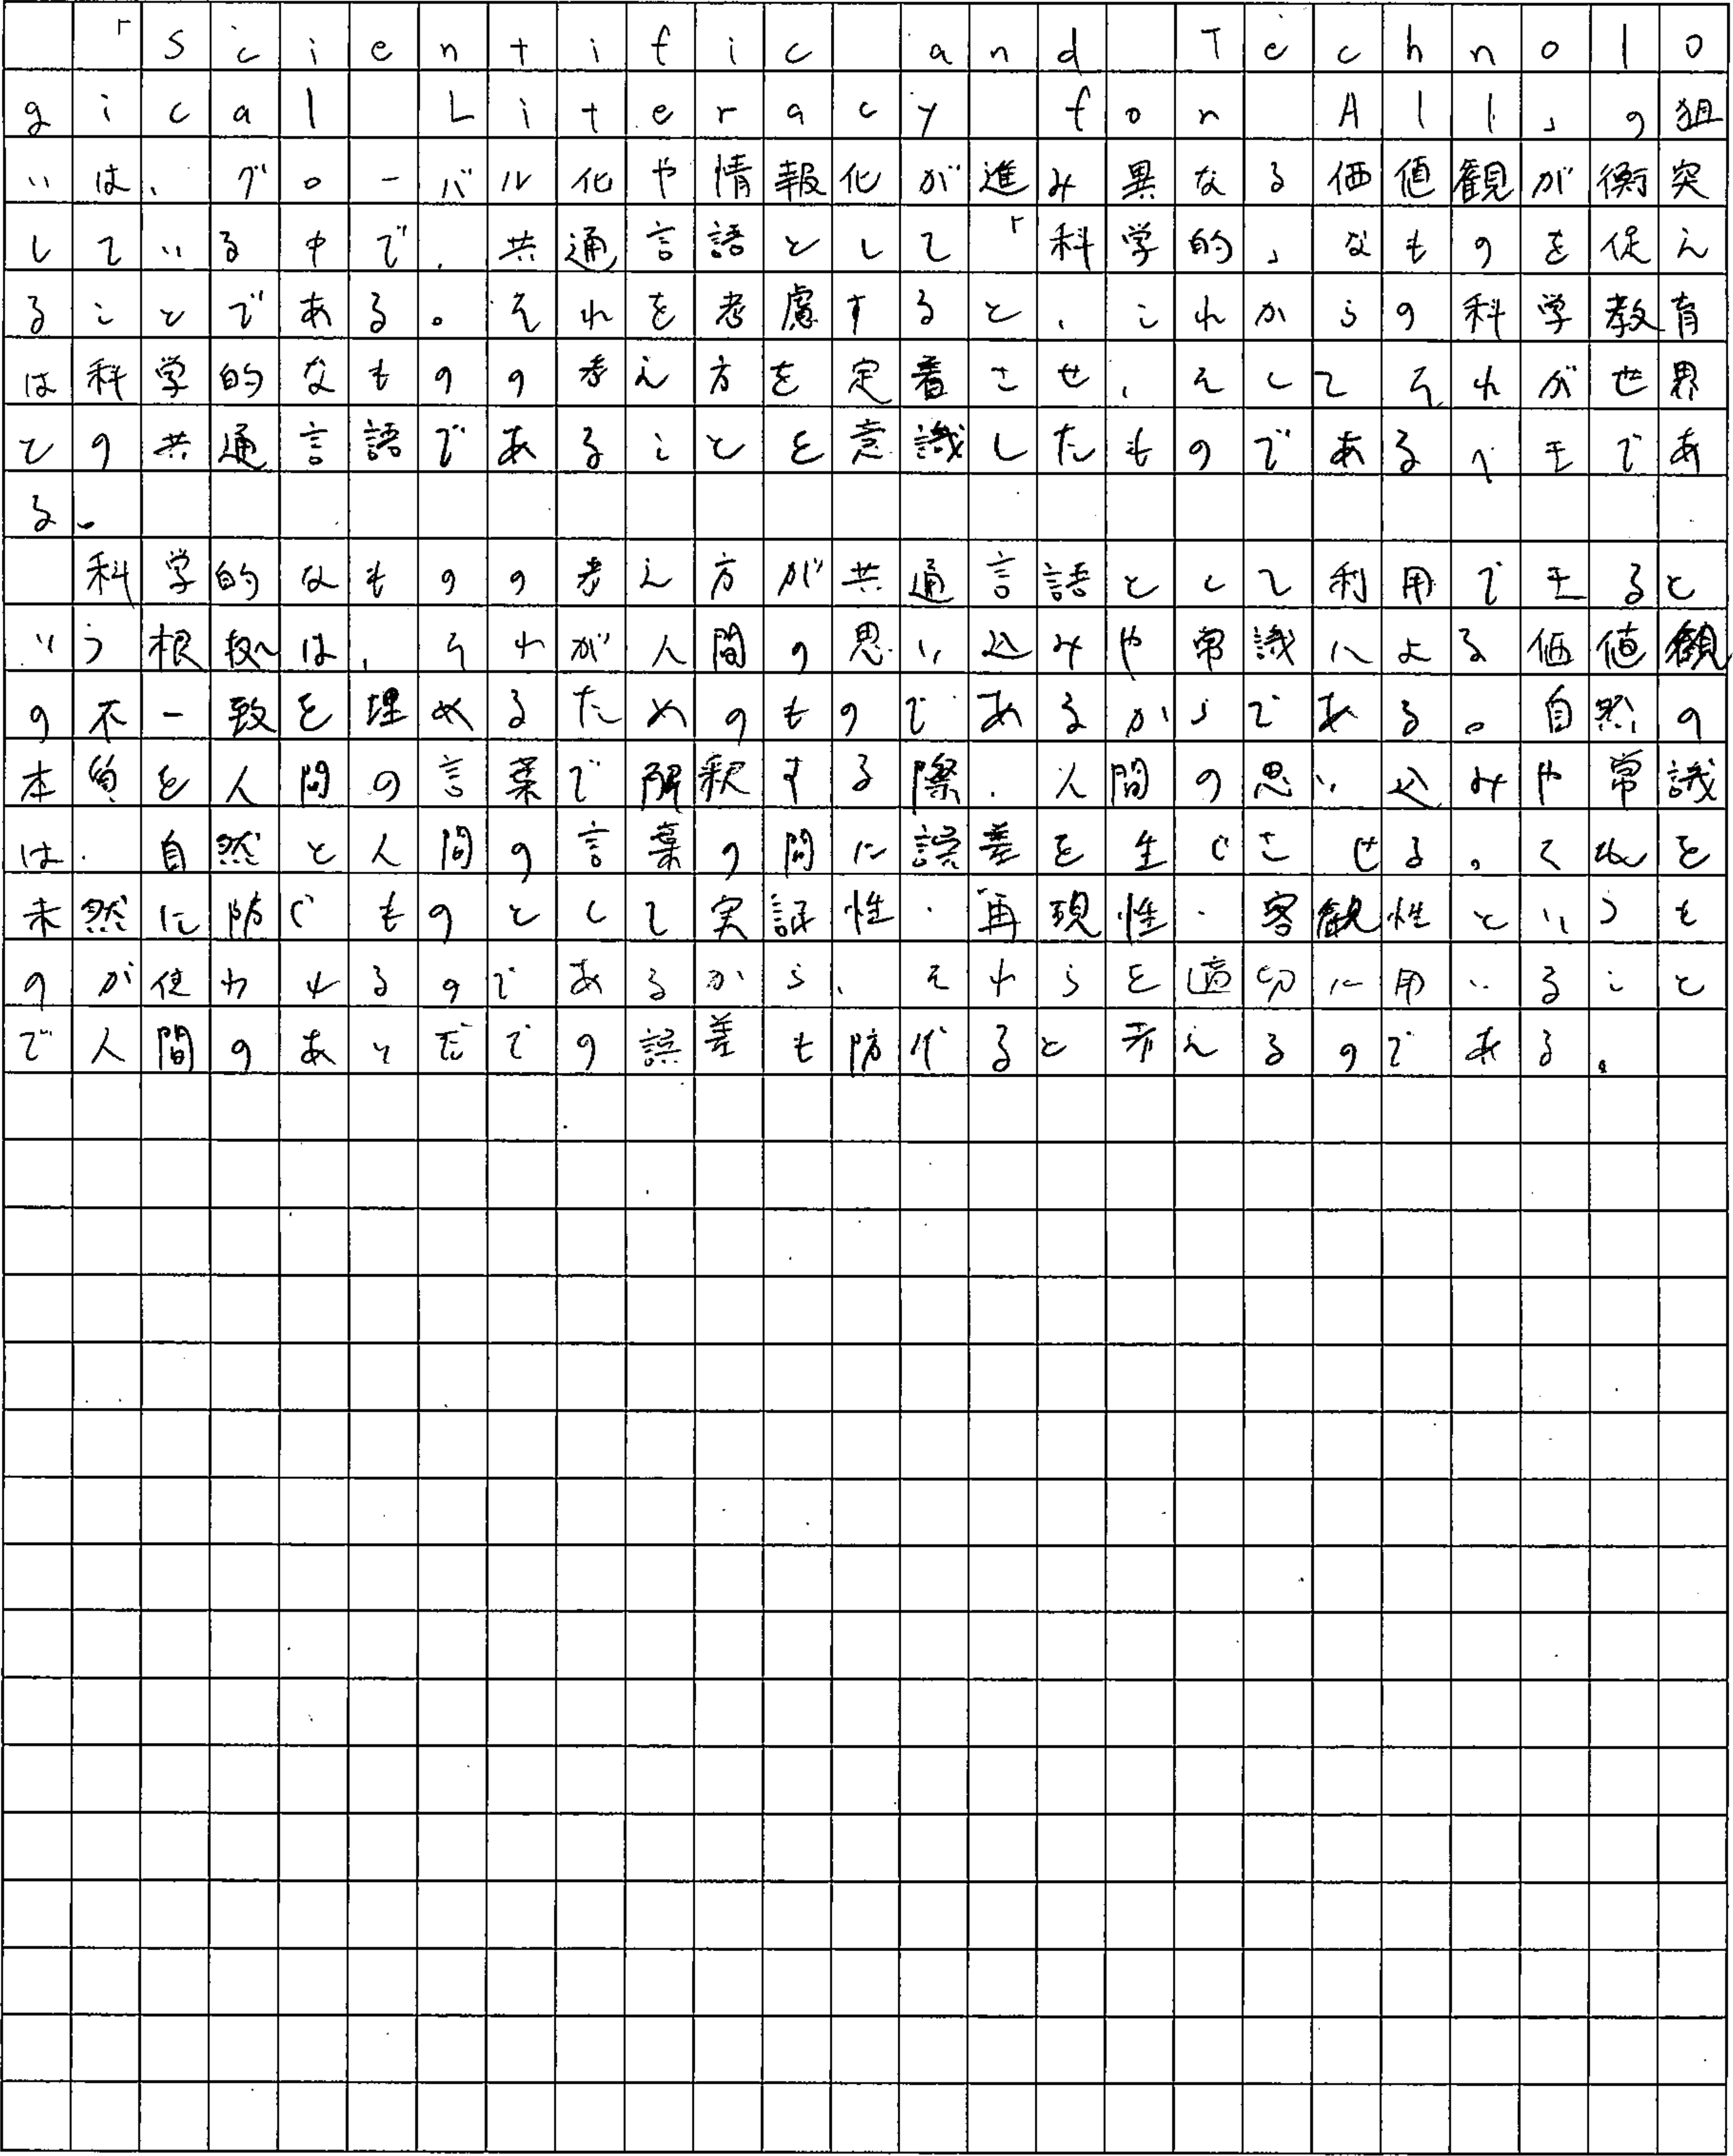　「Ｓｃｉｅｎｔｉｆｉｃ　ａｎｄ　Ｔｅｃｈｎｏｌｏｇｉｃａｌ　Ｌｉｔｅｒａｃｙ　ｆｏｒ　Ａｌｌ」の狙いは、グローバル化や情報化が進み異なる価値観が衡突している中で、共通言語として「科学的」なものを捉えることである。それを考慮すると、これからの科学教育は科学的なものの考え方を定着させ、そしてそれが世界との共通言語であることを意識したものであるべきである。
　科学的なものの考え方が共通言語として利用できるという根拠は、それが人間の思い込みや常識による価値観の不一致を埋めるためのものであるからである。自然の本質を人間の言葉で解釈する際、人間の思い込みや常識は、自然と人間の言葉の間に誤差を生じさせる。それを未然に防ぐものとして実証性・再現性・客観性というものが使われるのであるから、それらを適切に用いることで人間のあいだでの誤差も防げると考えるのである。
